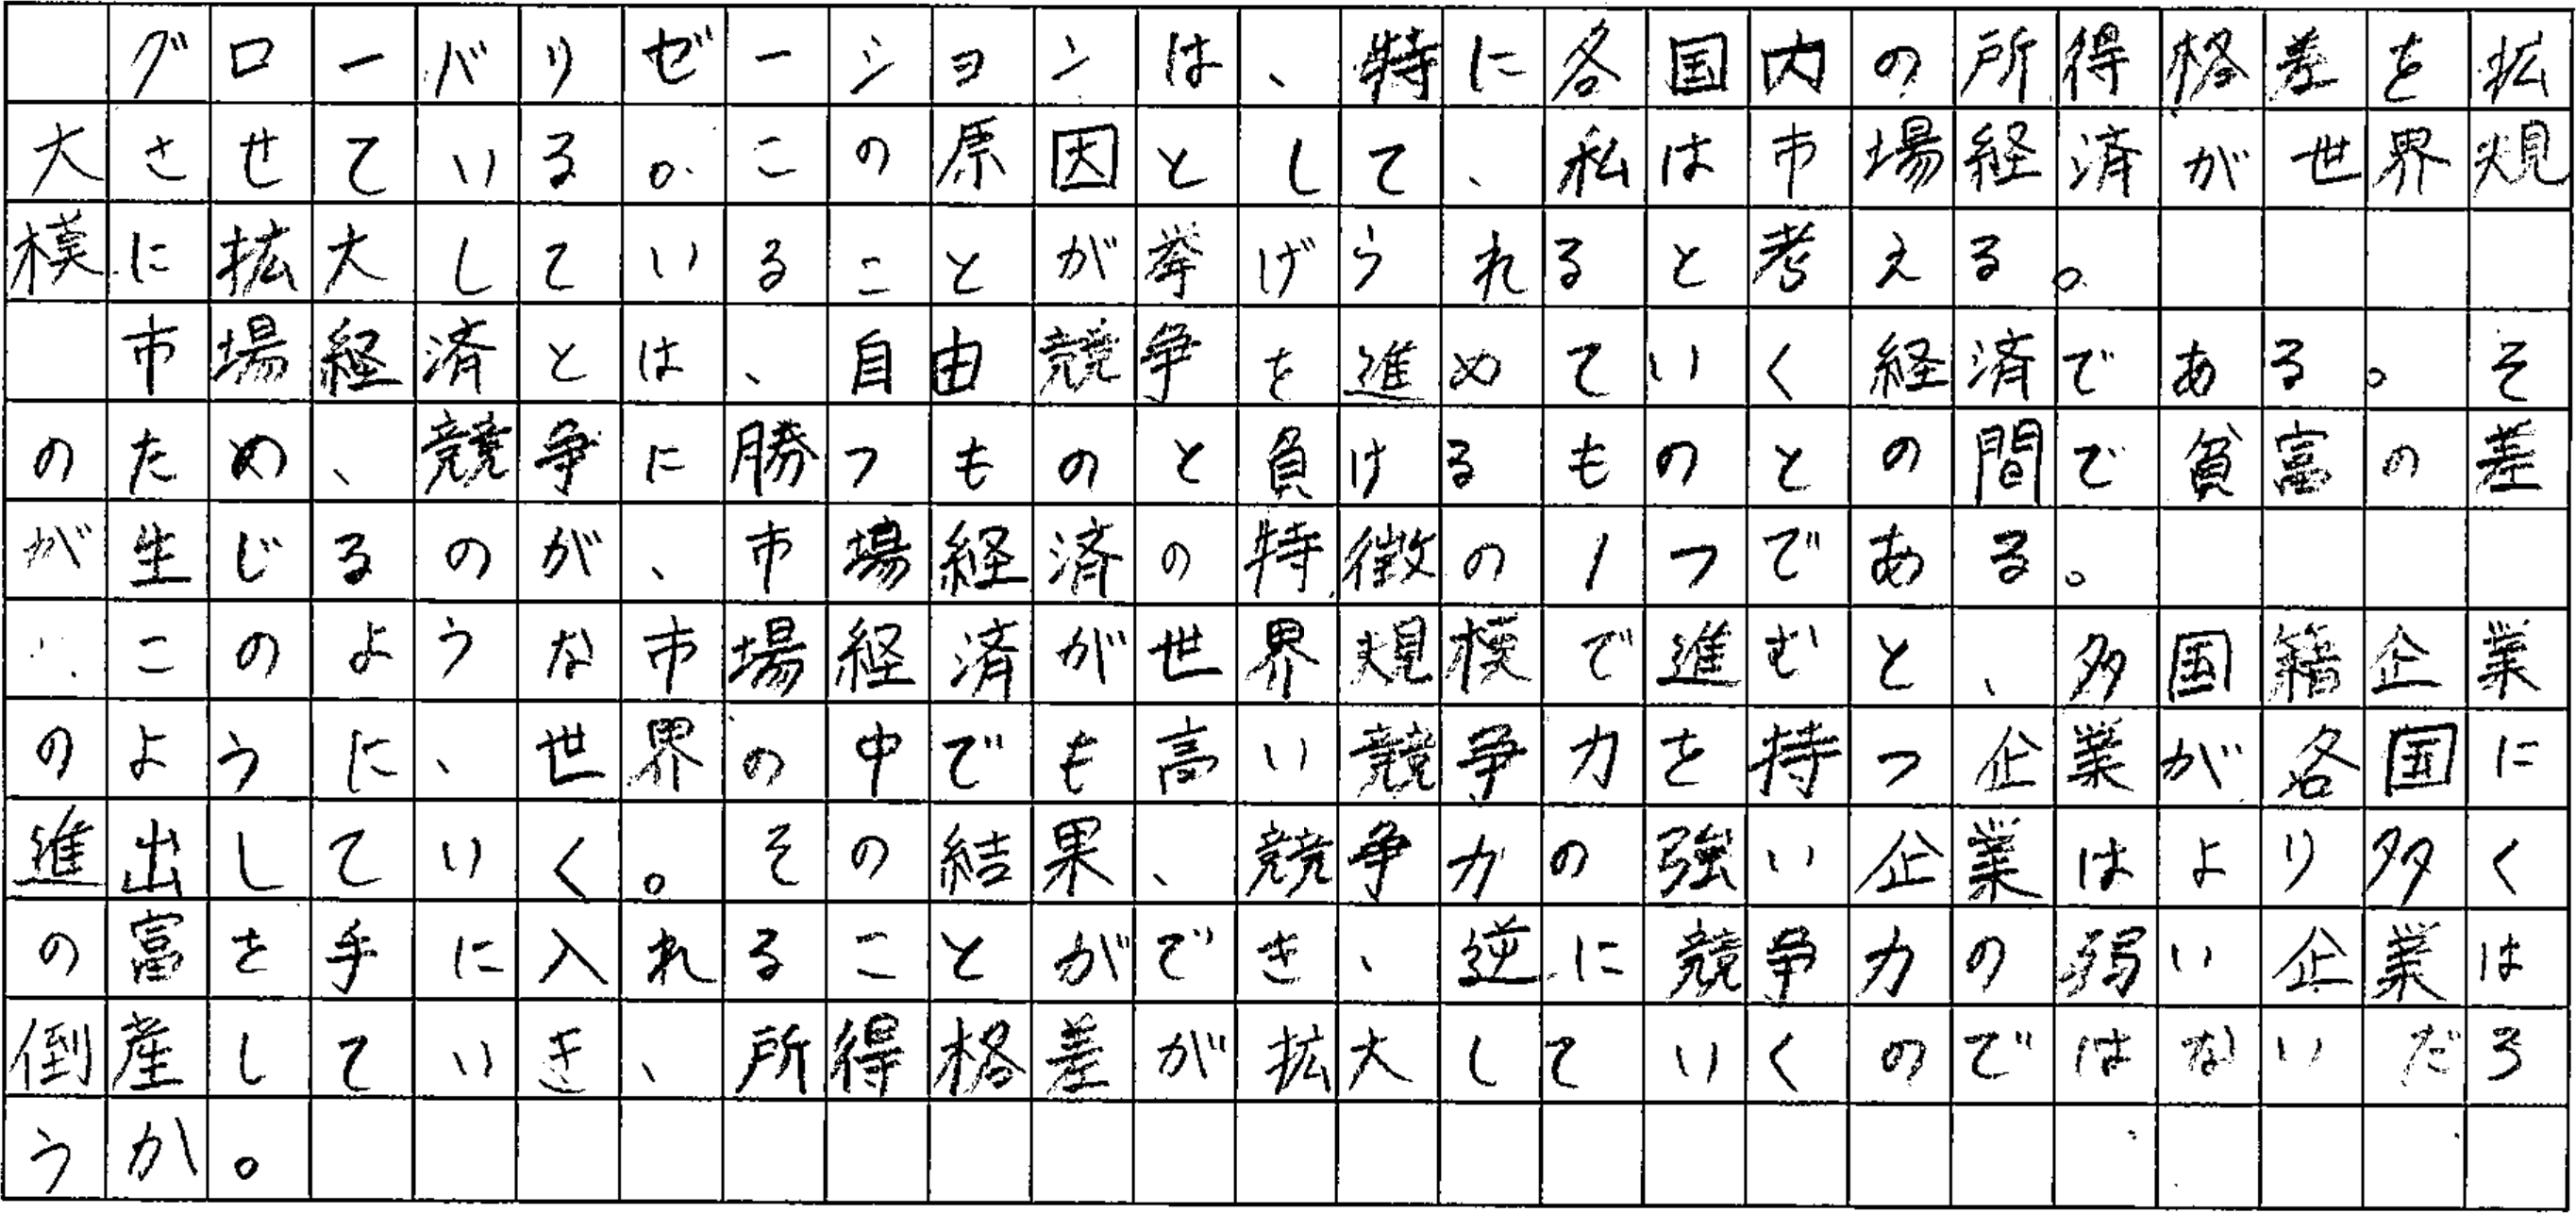　グローバリゼーションは、特に各国内の所持格差を拡大させている。この原因として、私は市場経済が世界規模に拡大していることが挙げられると考える。
　市場経済とは、自由競争を進めていく経済である。そのため、競争に勝つものと負けるものとの間で貧富の差が生じるのが、市場経済の特徴の１つである。
　このような市場経済が世界規模で進むと、多国籍企業のように、世界の中でも高い競争力を持つ企業が各国に進出していく。その結果、競争力の高い企業はより多くの富を手に入れることができ、逆に競争力の弱い企業は倒産していき、所得格差が拡大していくのではないだろうか。
